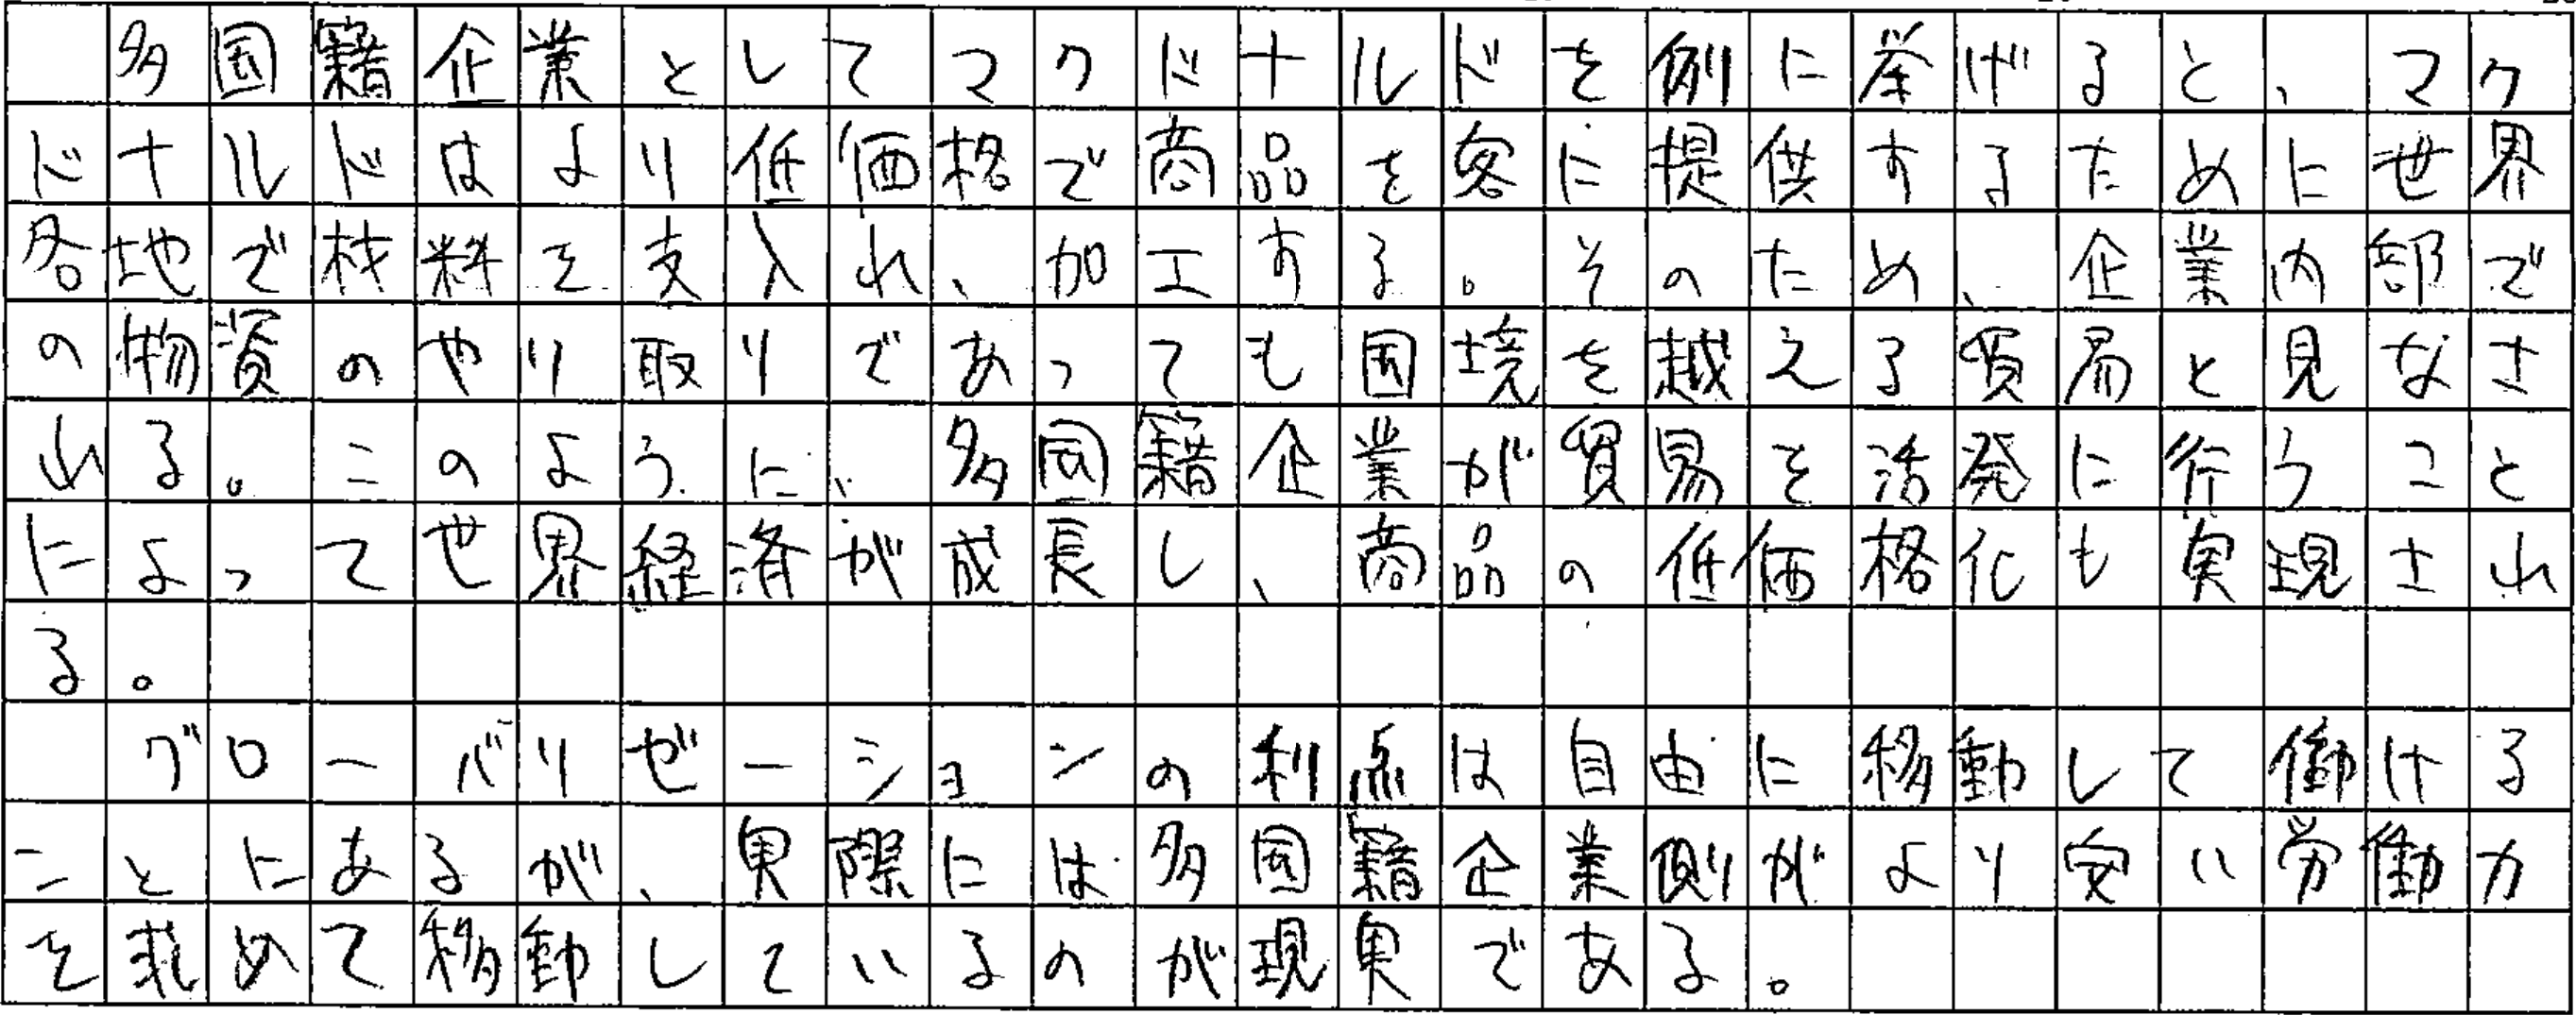　多国籍企業としてマクドナルドを例に挙げると、マクドナルドはより低価格で商品を客に提供するために世界各地で材料を支入れ、加工する。そのため、企業内部での物資のやり取りであっても国境を越える貿易と見なされる。このように、多国籍企業が貿易を活発に行うことによって世界経済が成長し、商品の低価格化も実現される。
　グローバリゼーションの利点は自由に移動して働けることにあるが、実際には多国籍企業側がより安い労働力を求めて移動しているのが現実である。
